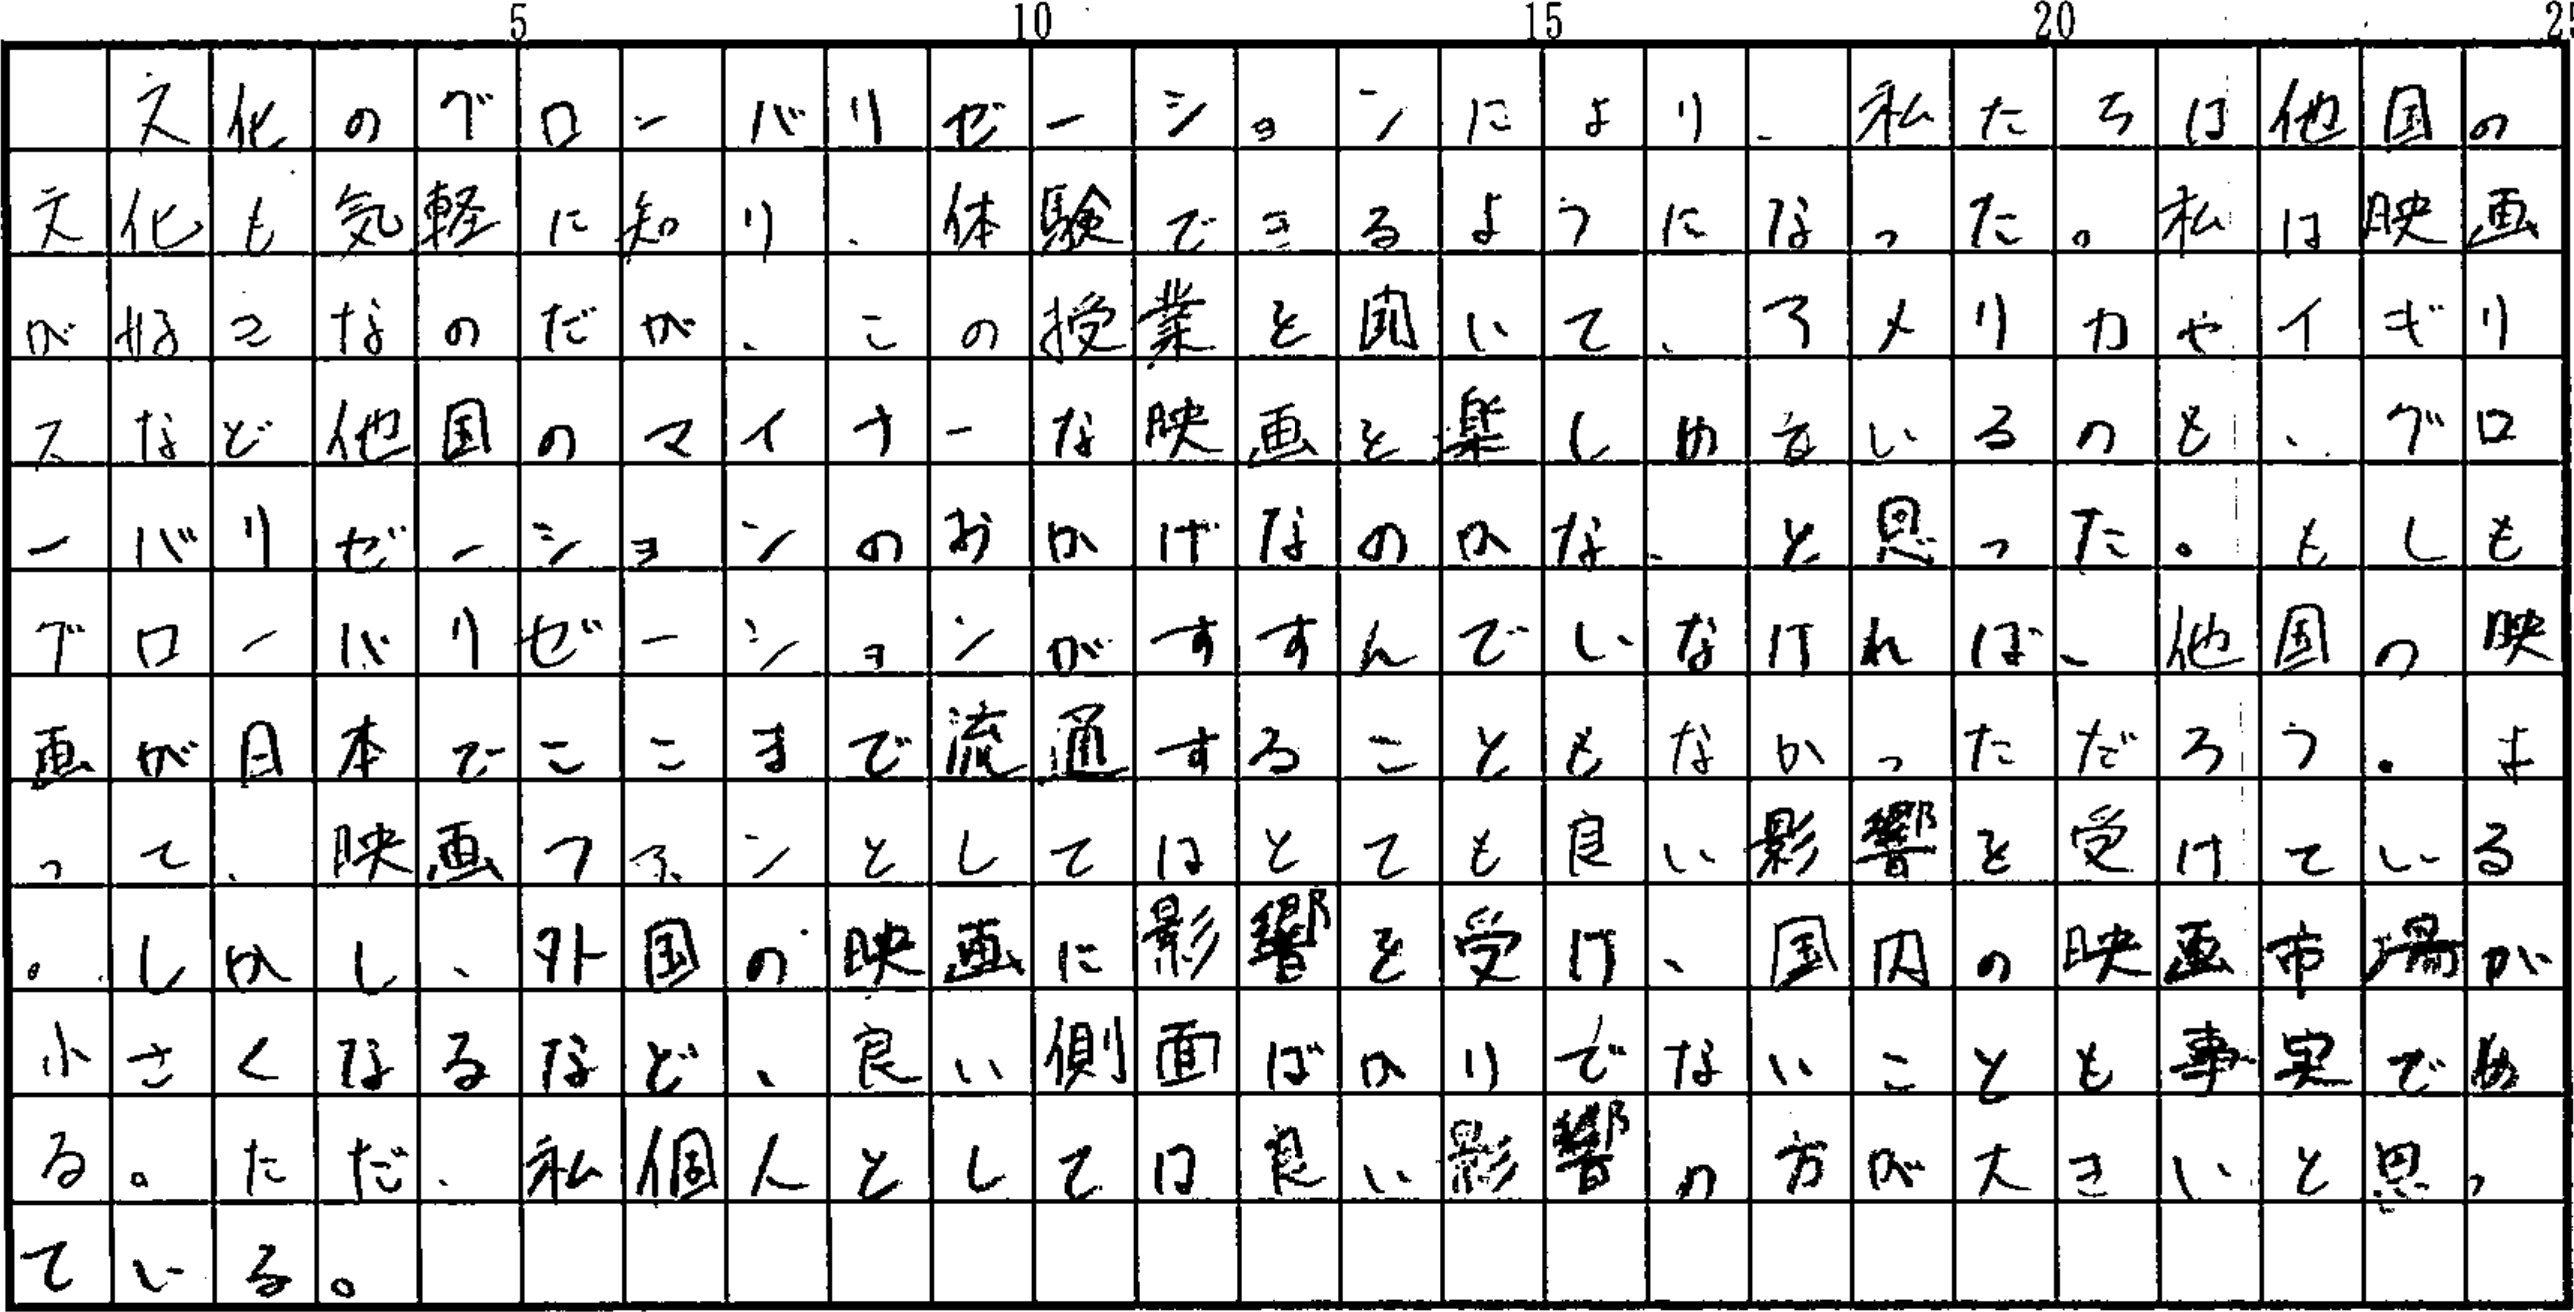　文化のグローバリゼーションにより、私たちは他国の文化も気軽に知り、体験できるようになった。私は映画が好きなのだが、この授業を聞いて、アメリカやイギリスなど他国のマイナーな映画を楽しめているのも、グローバリゼーションのおかげなのかな、と思った。もしもグローバリゼーションがすすんでいなければ、他国の映画が日本でここまで流通することもなかっただろう。よって、映画ファンとしてはとても良い影響を受けている。しかし、外国の映画に影響を受け、国内の映画市場が小さくなるなど、良い側面ばかりではないことも事実である。ただ、私個人としては良い影響の方が大きいと思っている。
